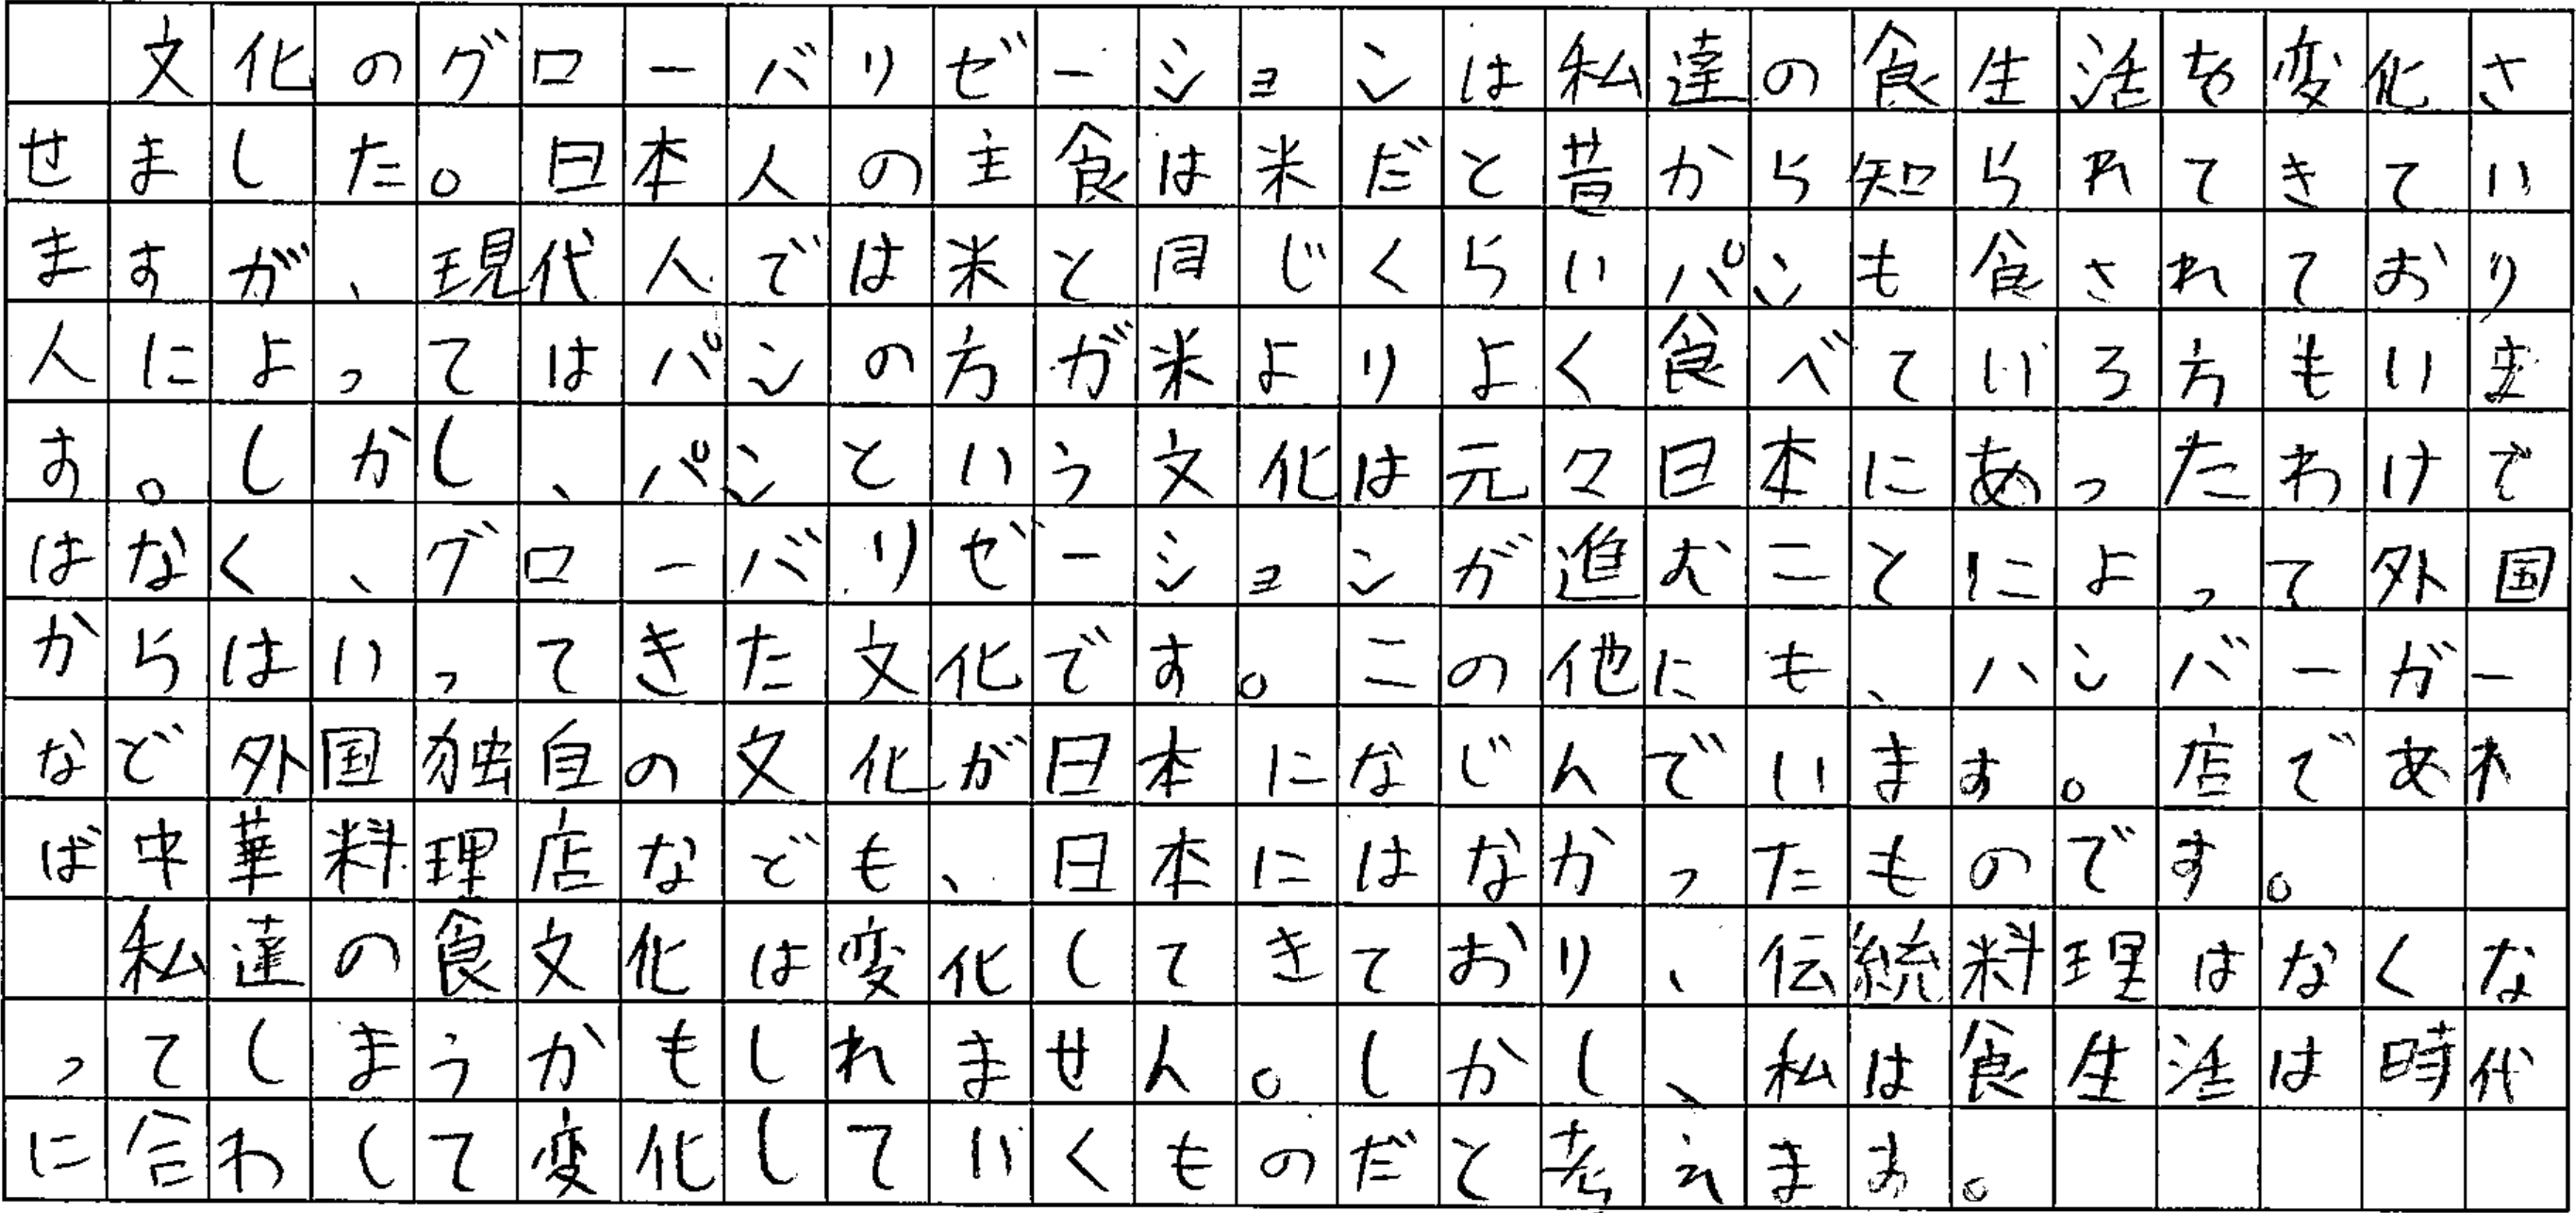　文化のグローバリゼーションは私▁の食生活を変化させました。日本人の主食は米だと昔から知られてきていますが、現代人では米と同じくらいパンも食されており人によってはパンのほうが米よりよく食べている方もいます。しかし、パンという文化は元々日本にあったわけではなく、グローバリゼーションが進むことによって外国からはいってきた文化です。この他にも、ハンバーガーなど外国独自の文化が日本になじんでいます。店であれば中華料理店なども、日本にはなかったものです。
　私達の食文化は変化してきており、伝統料理はなくなってしまうかもしれません。しかし、私は食生活は時代に合わして変化していくものだと考えます。
